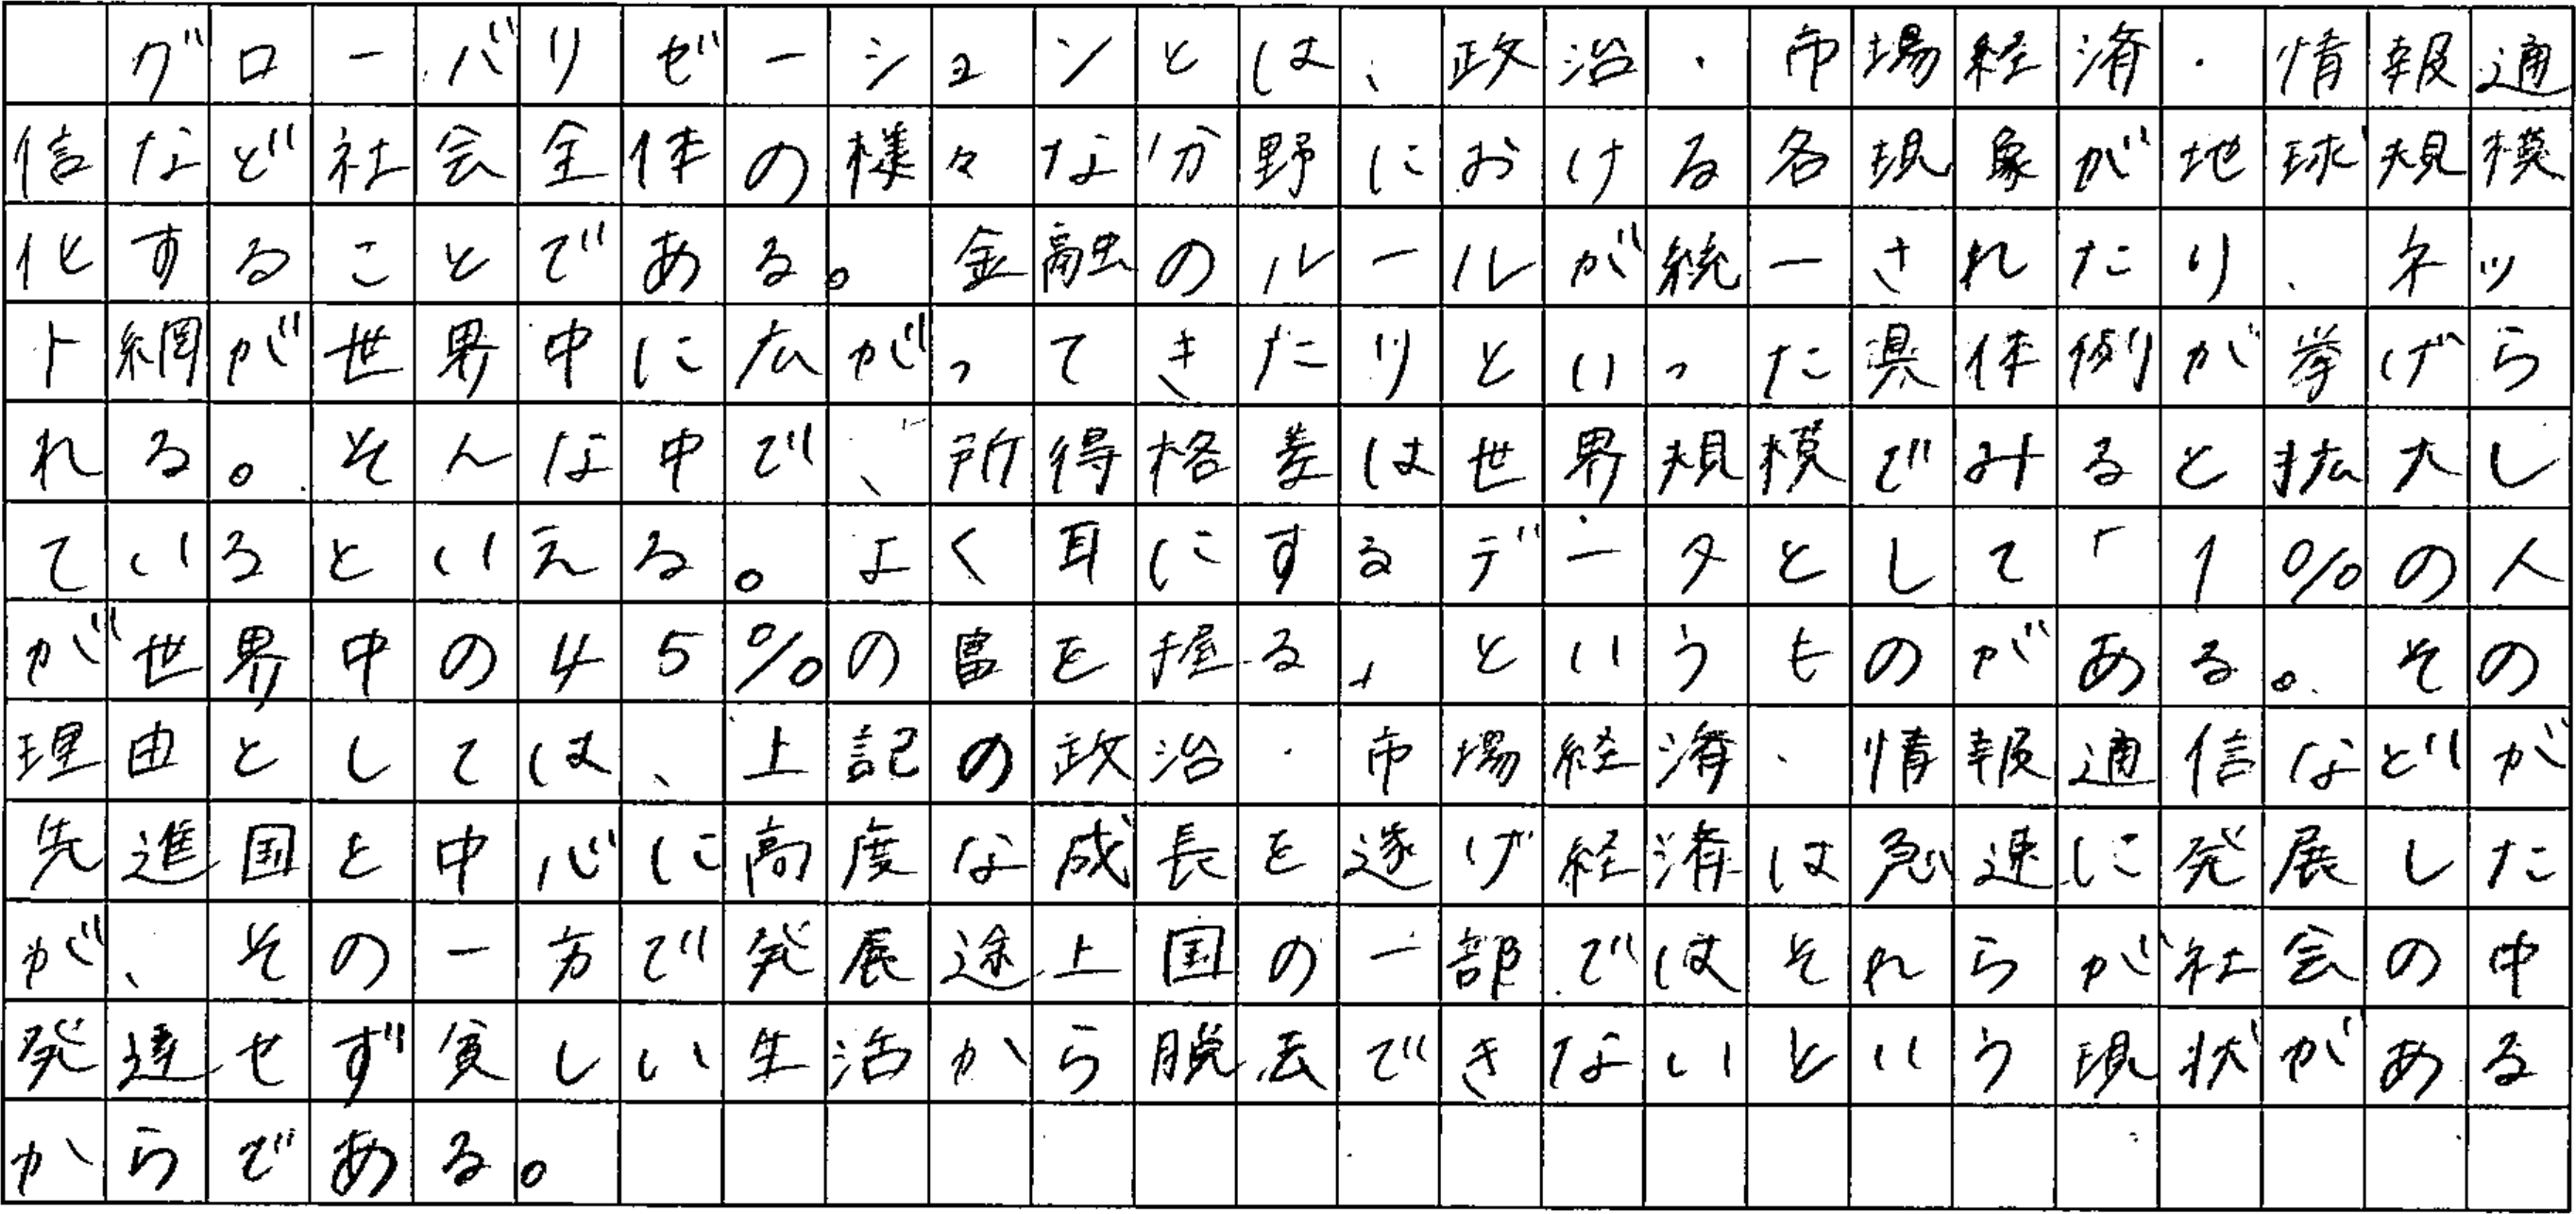　グローバリゼーションとは、政治・市場経済・情報通信など社会全体の様々な分野における各現象が地球規模化することである。金融のルールが統一されたり、ネット網が世界中に広がってきたりといった具体例が挙げられる。そんな中で、所得格差は世界規模でみると拡大しているといえる。よく耳にするデータとして「１％の人が世界中の４５％の富を握る」というものがある。その理由としては、上記の政治・市場経済・情報通信などが先進国を中心に高度な成長を遂げ経済は急速に発展したが、その一方で発展途上国の一部ではそれらが社会の中発達せず貧しい生活から脱去できないという現状があるからである。
